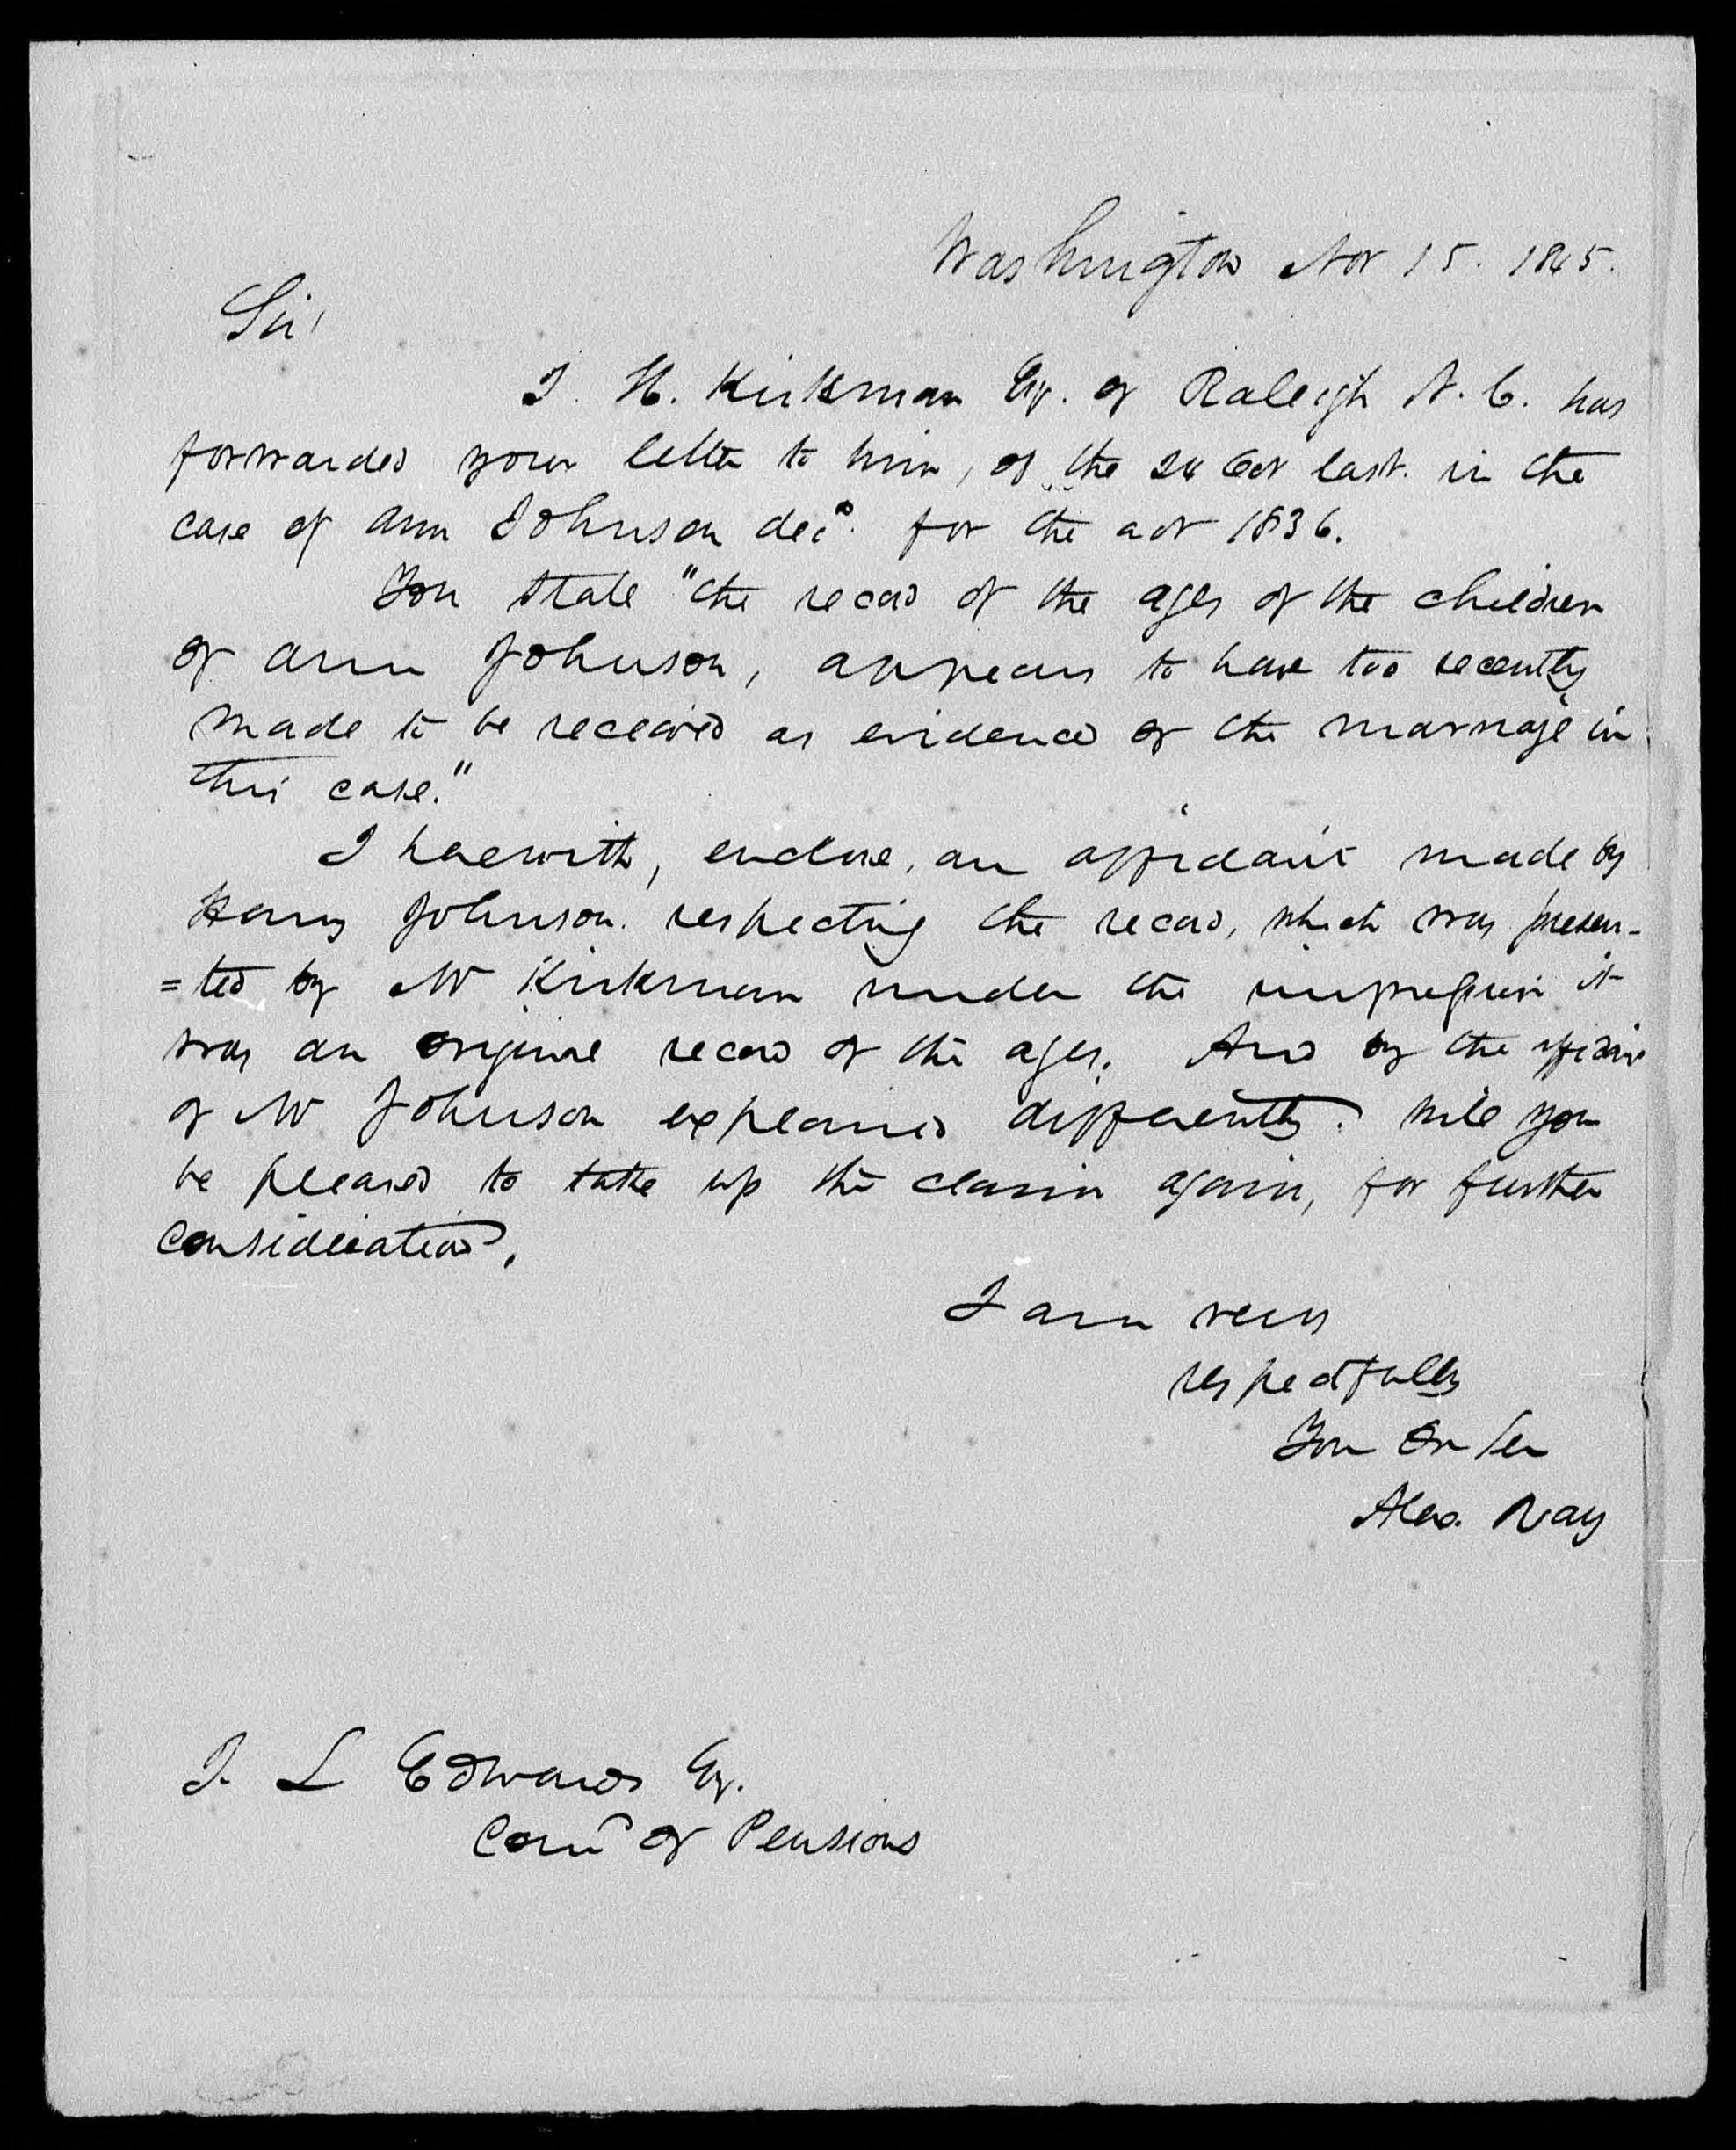Washington November 15, 1845 Sir,  J. H. Kirkman, Esq., of Raleigh, N.C. has forwarded your letter to him, of the 26th October last, in the case of Ann Johnson deceased for the act 1836.        
You state “the record of the ages of the children of Ann Johnson, appears to have too recently made to be recorded as evidence of the marriage in this case.”      
I herewith, enclosed, an affidavit made by Henry Johnson repeating the record, which was presented by W. Kirkman under the impression it was an original record of the ages. And by the affidavit of J. W.  Johnson appeared differently.  Will you be pleased to take up the claim again for further consideration.      I am very respectfully your obedient servant, Alexander Ray       
J. L. Edwards, Esq. Com of Pens [Commissioner of Pensions]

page: 49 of 74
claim: rejected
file: R. 5600, for Abel Johnson, North Carolina